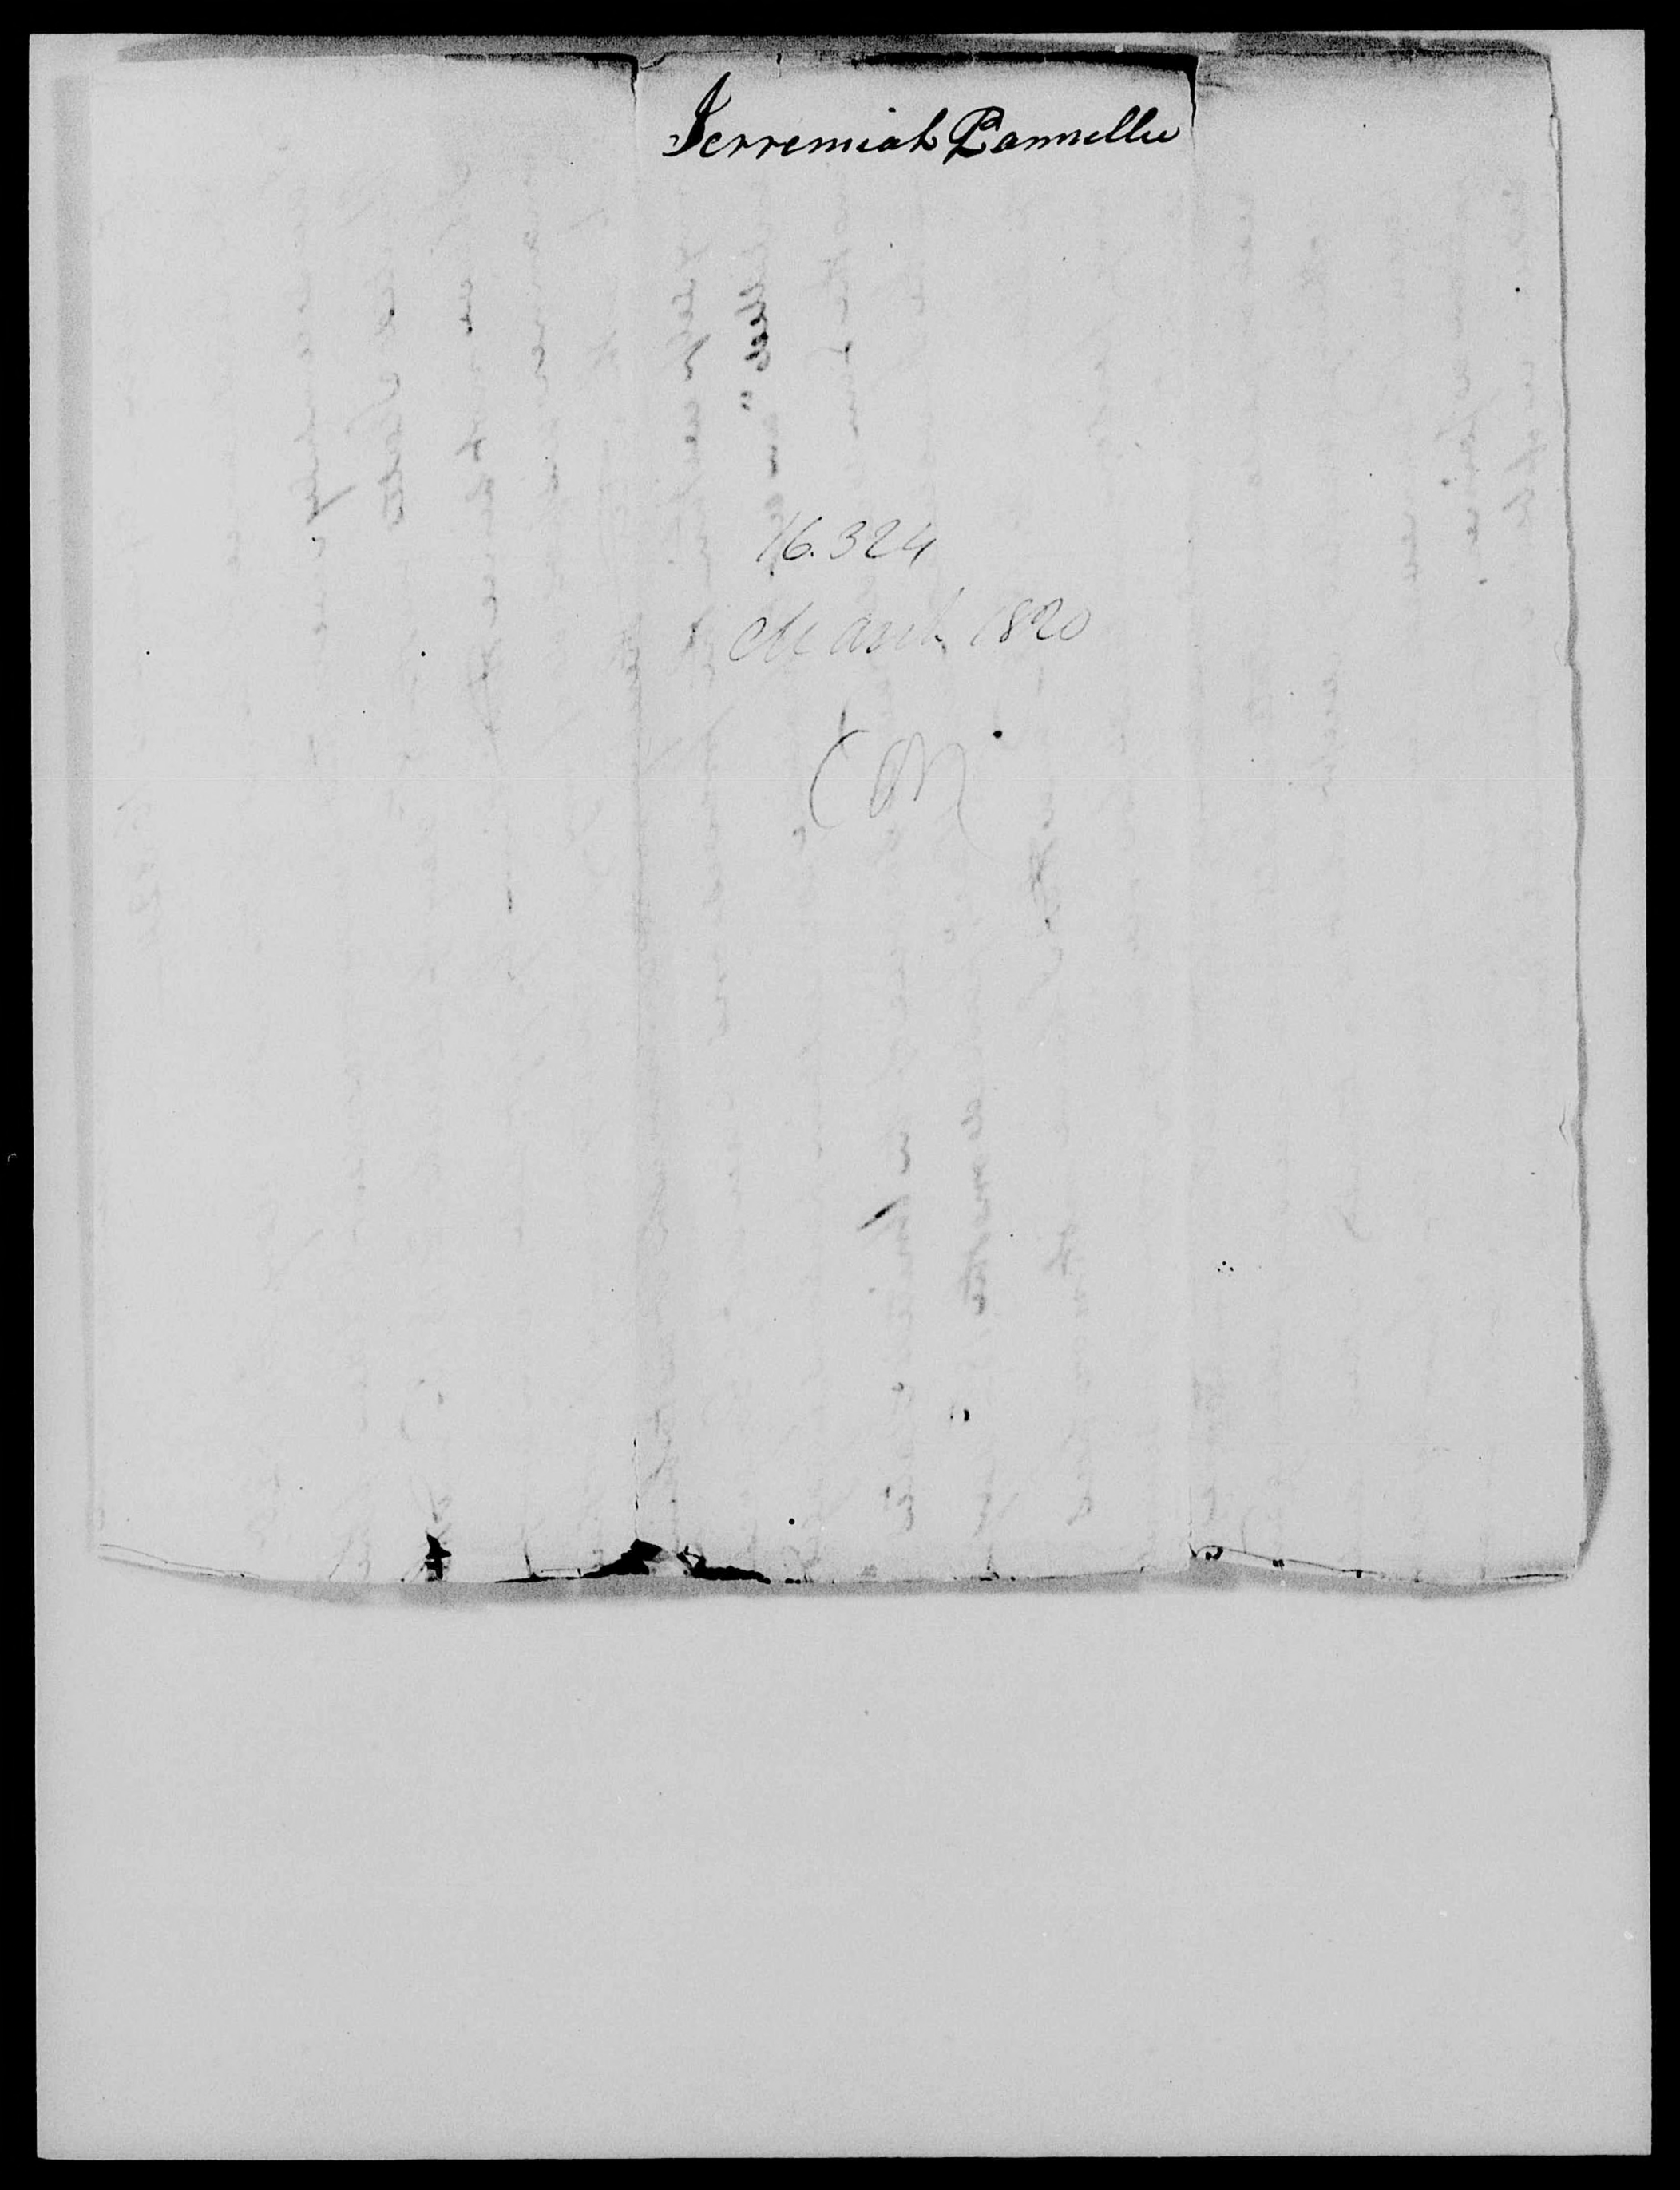Jeremiah Parmellee
16.324
Cle ant 1820
CM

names: Jerremiah Parmellee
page: 9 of 11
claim: survivor's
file: S. 41,048, for Jeremiah Parmalee, Connecticut